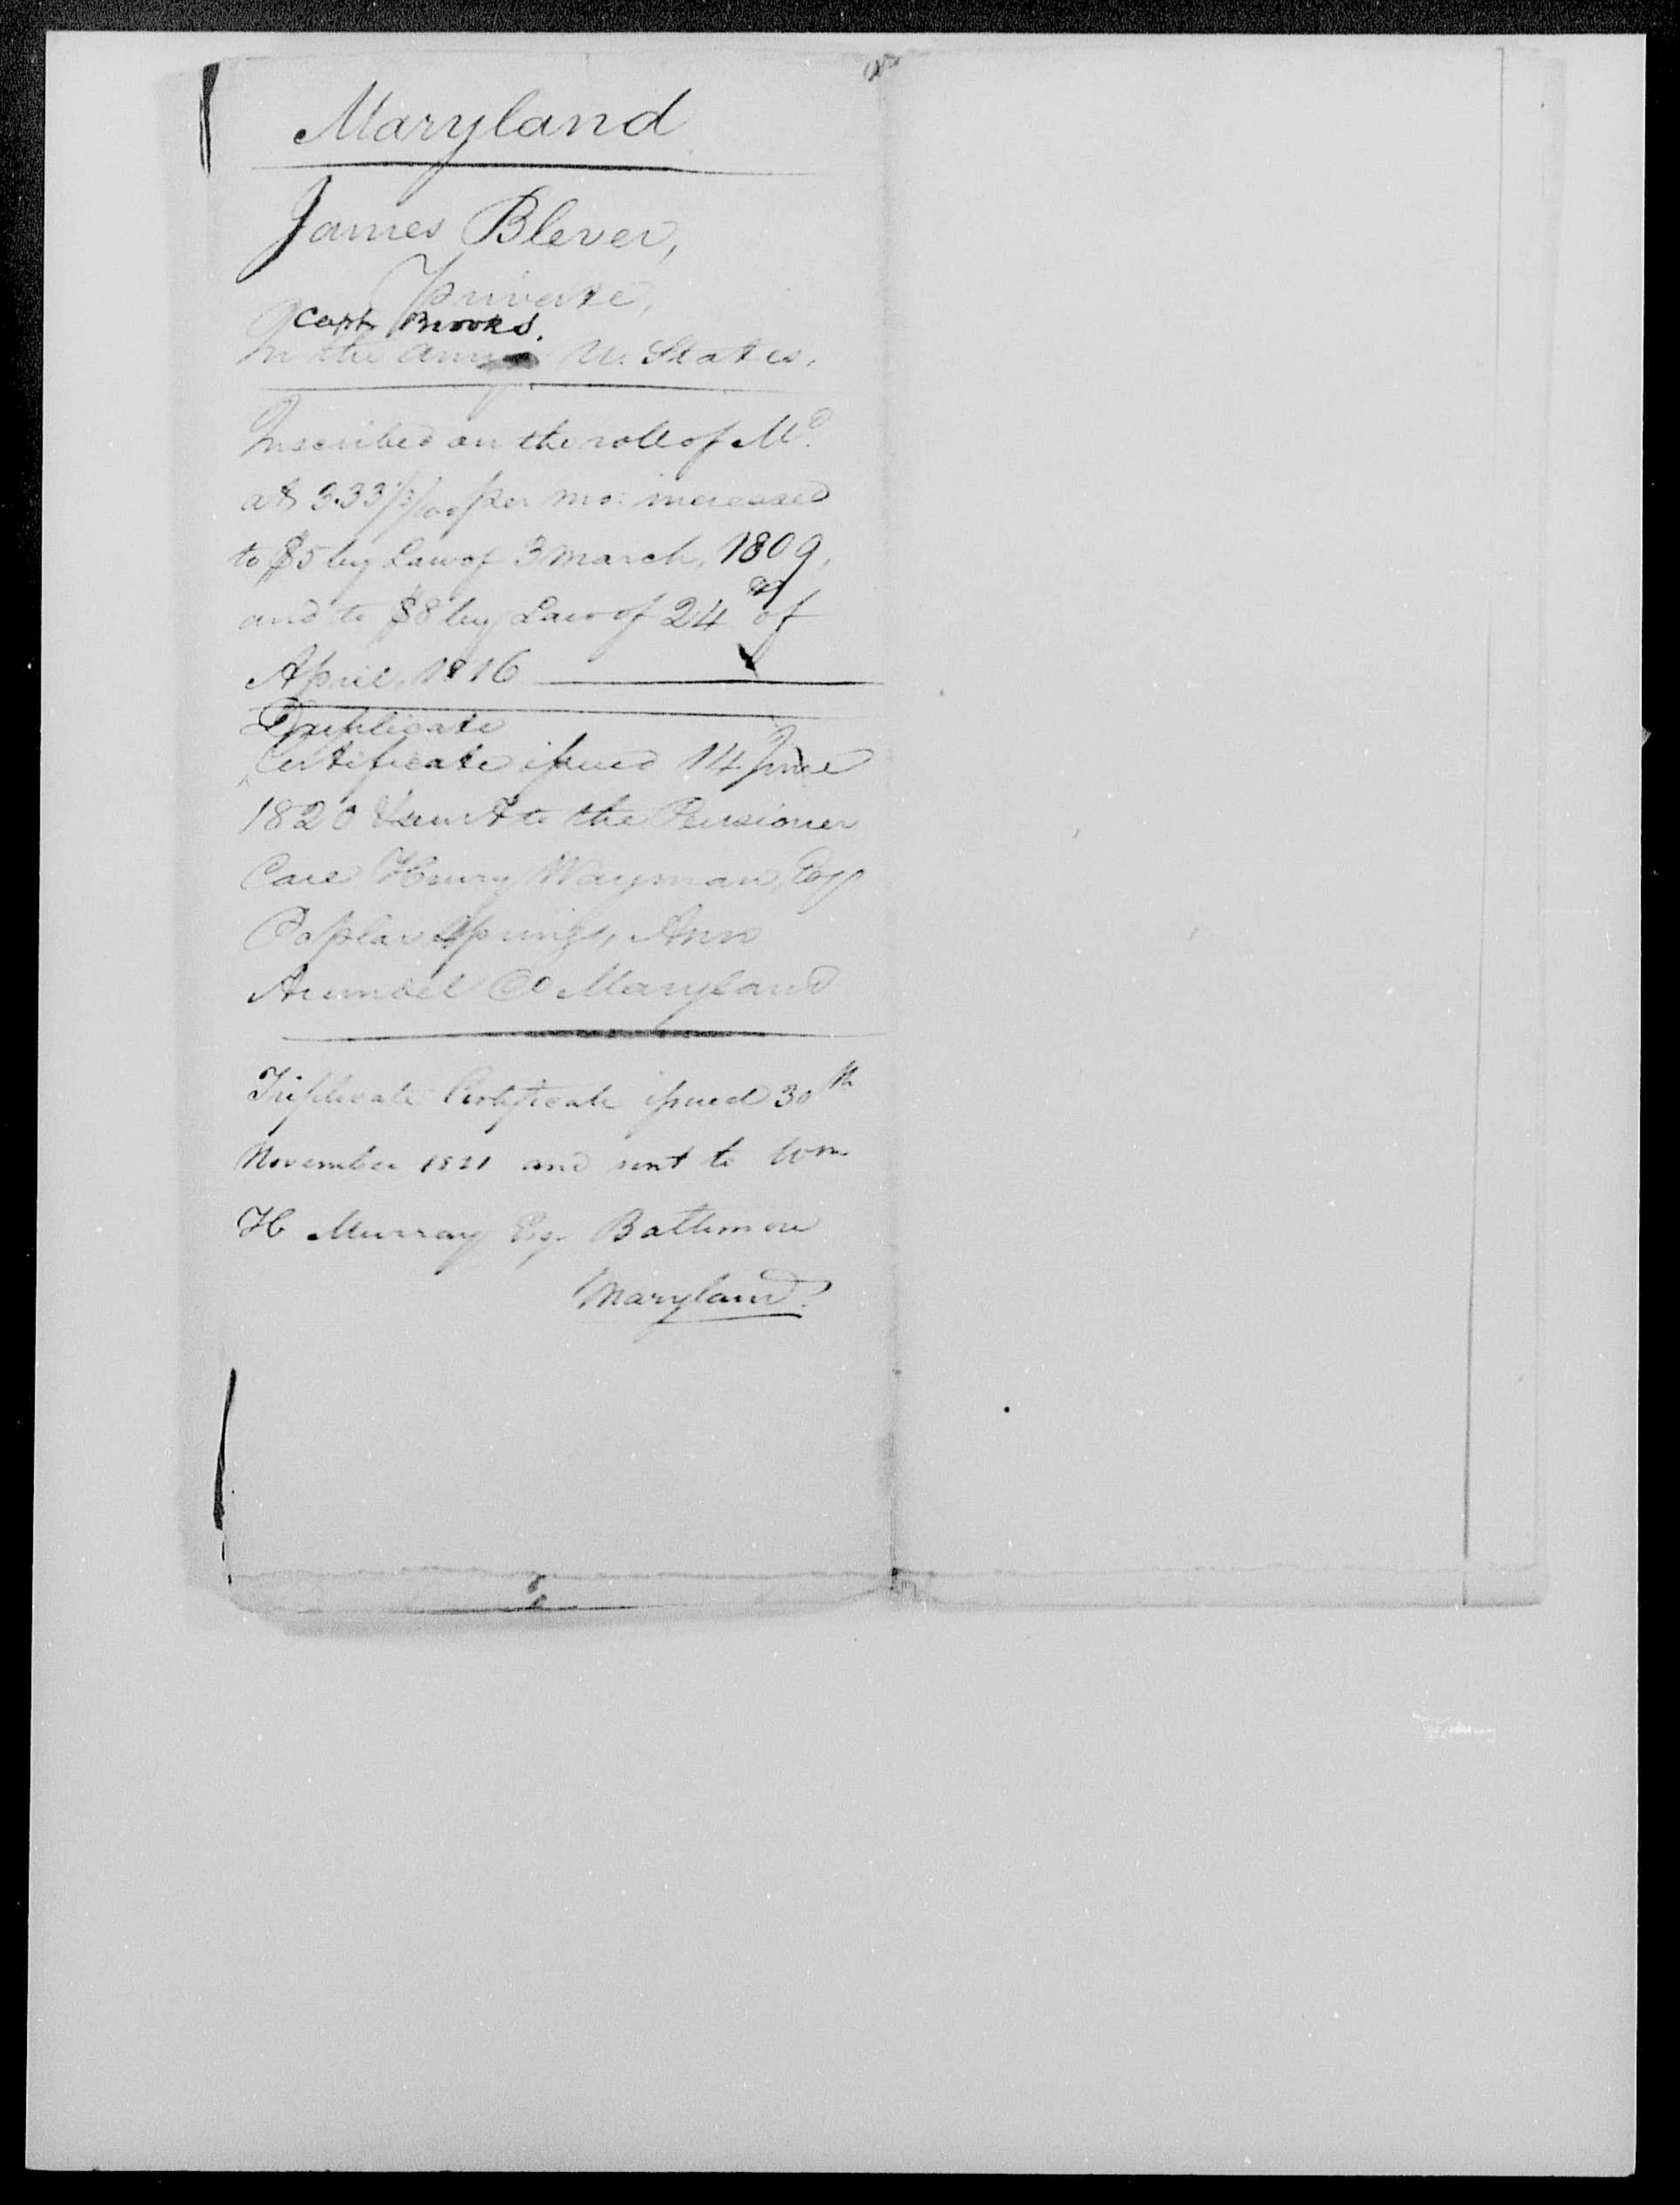Maryland
James Blewer
Private
Capt. Brooks
in the army U. States
Inscribed on the roll of Md at $3.33 per mo. increased to $5 by law of 3 March 1809 and
to $8 by law of 24th of April 1816

Duplicate
Certificate issued 14 Junen 1820 & sent to the Pensioner care Henry Wayman Esq Poplar Springs, Anne Arundel Co, Maryland

Triplicate certificate issued 30th November 1821 and sent to Wm. H Murray Est Baltimore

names: Henry Wayman, Ann, Brooks, James Blever, Wm H Murray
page: 24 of 30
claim: survivor's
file: S. 10093, James Blewer, Md.